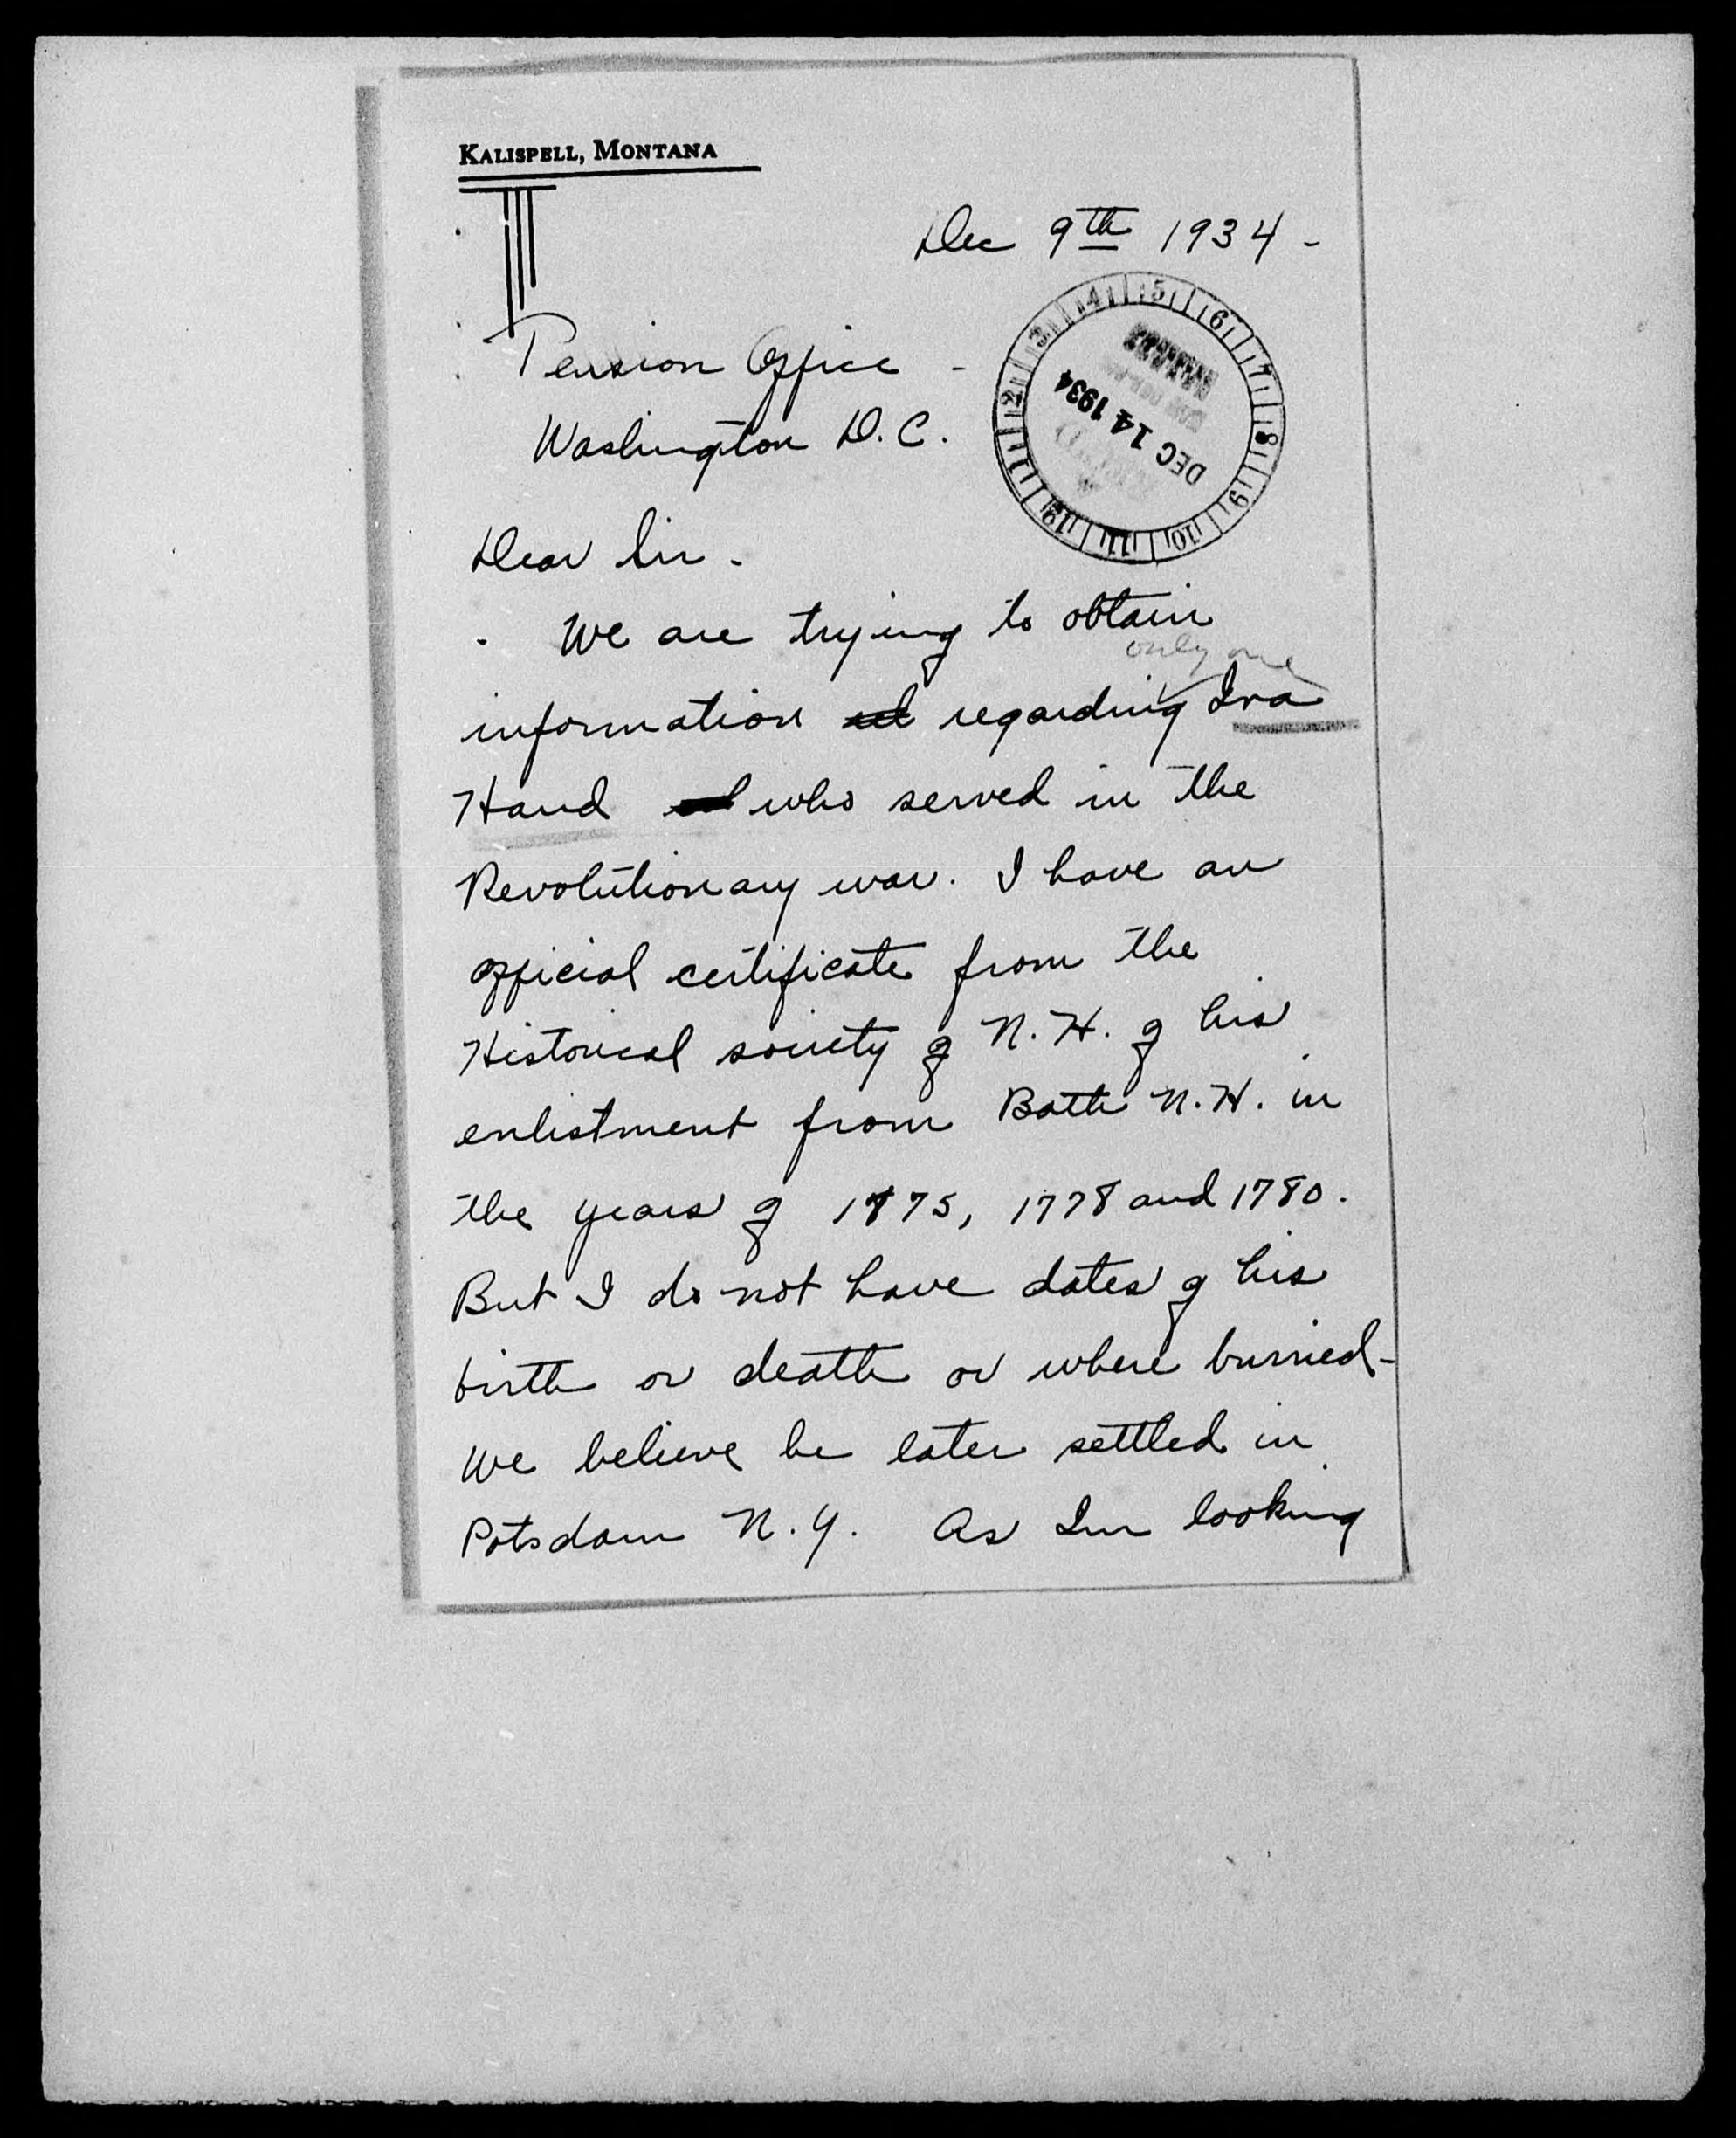KALISPELL, MONTANA

Dec. 9th 1934 -

Pension Office -
Washington, D.C.

{Stamp Dec 14, 1934}

Dear Sir.

We are trying to obtain information regarding only one Ira Hand who served in the Revolutionary War.  I have an official certificate from the Historical Society of NH of his enlistment from Both N.H. in the years of 1775, 1778 and 1780.  But I do not have dates of his birth or death or where burried
We believe he later settled in Potsdam N.Y. as Im looking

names: Ira Hand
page: 19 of 42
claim: widow's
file: W. 19,722, Ira Hand, N.H. Vt.